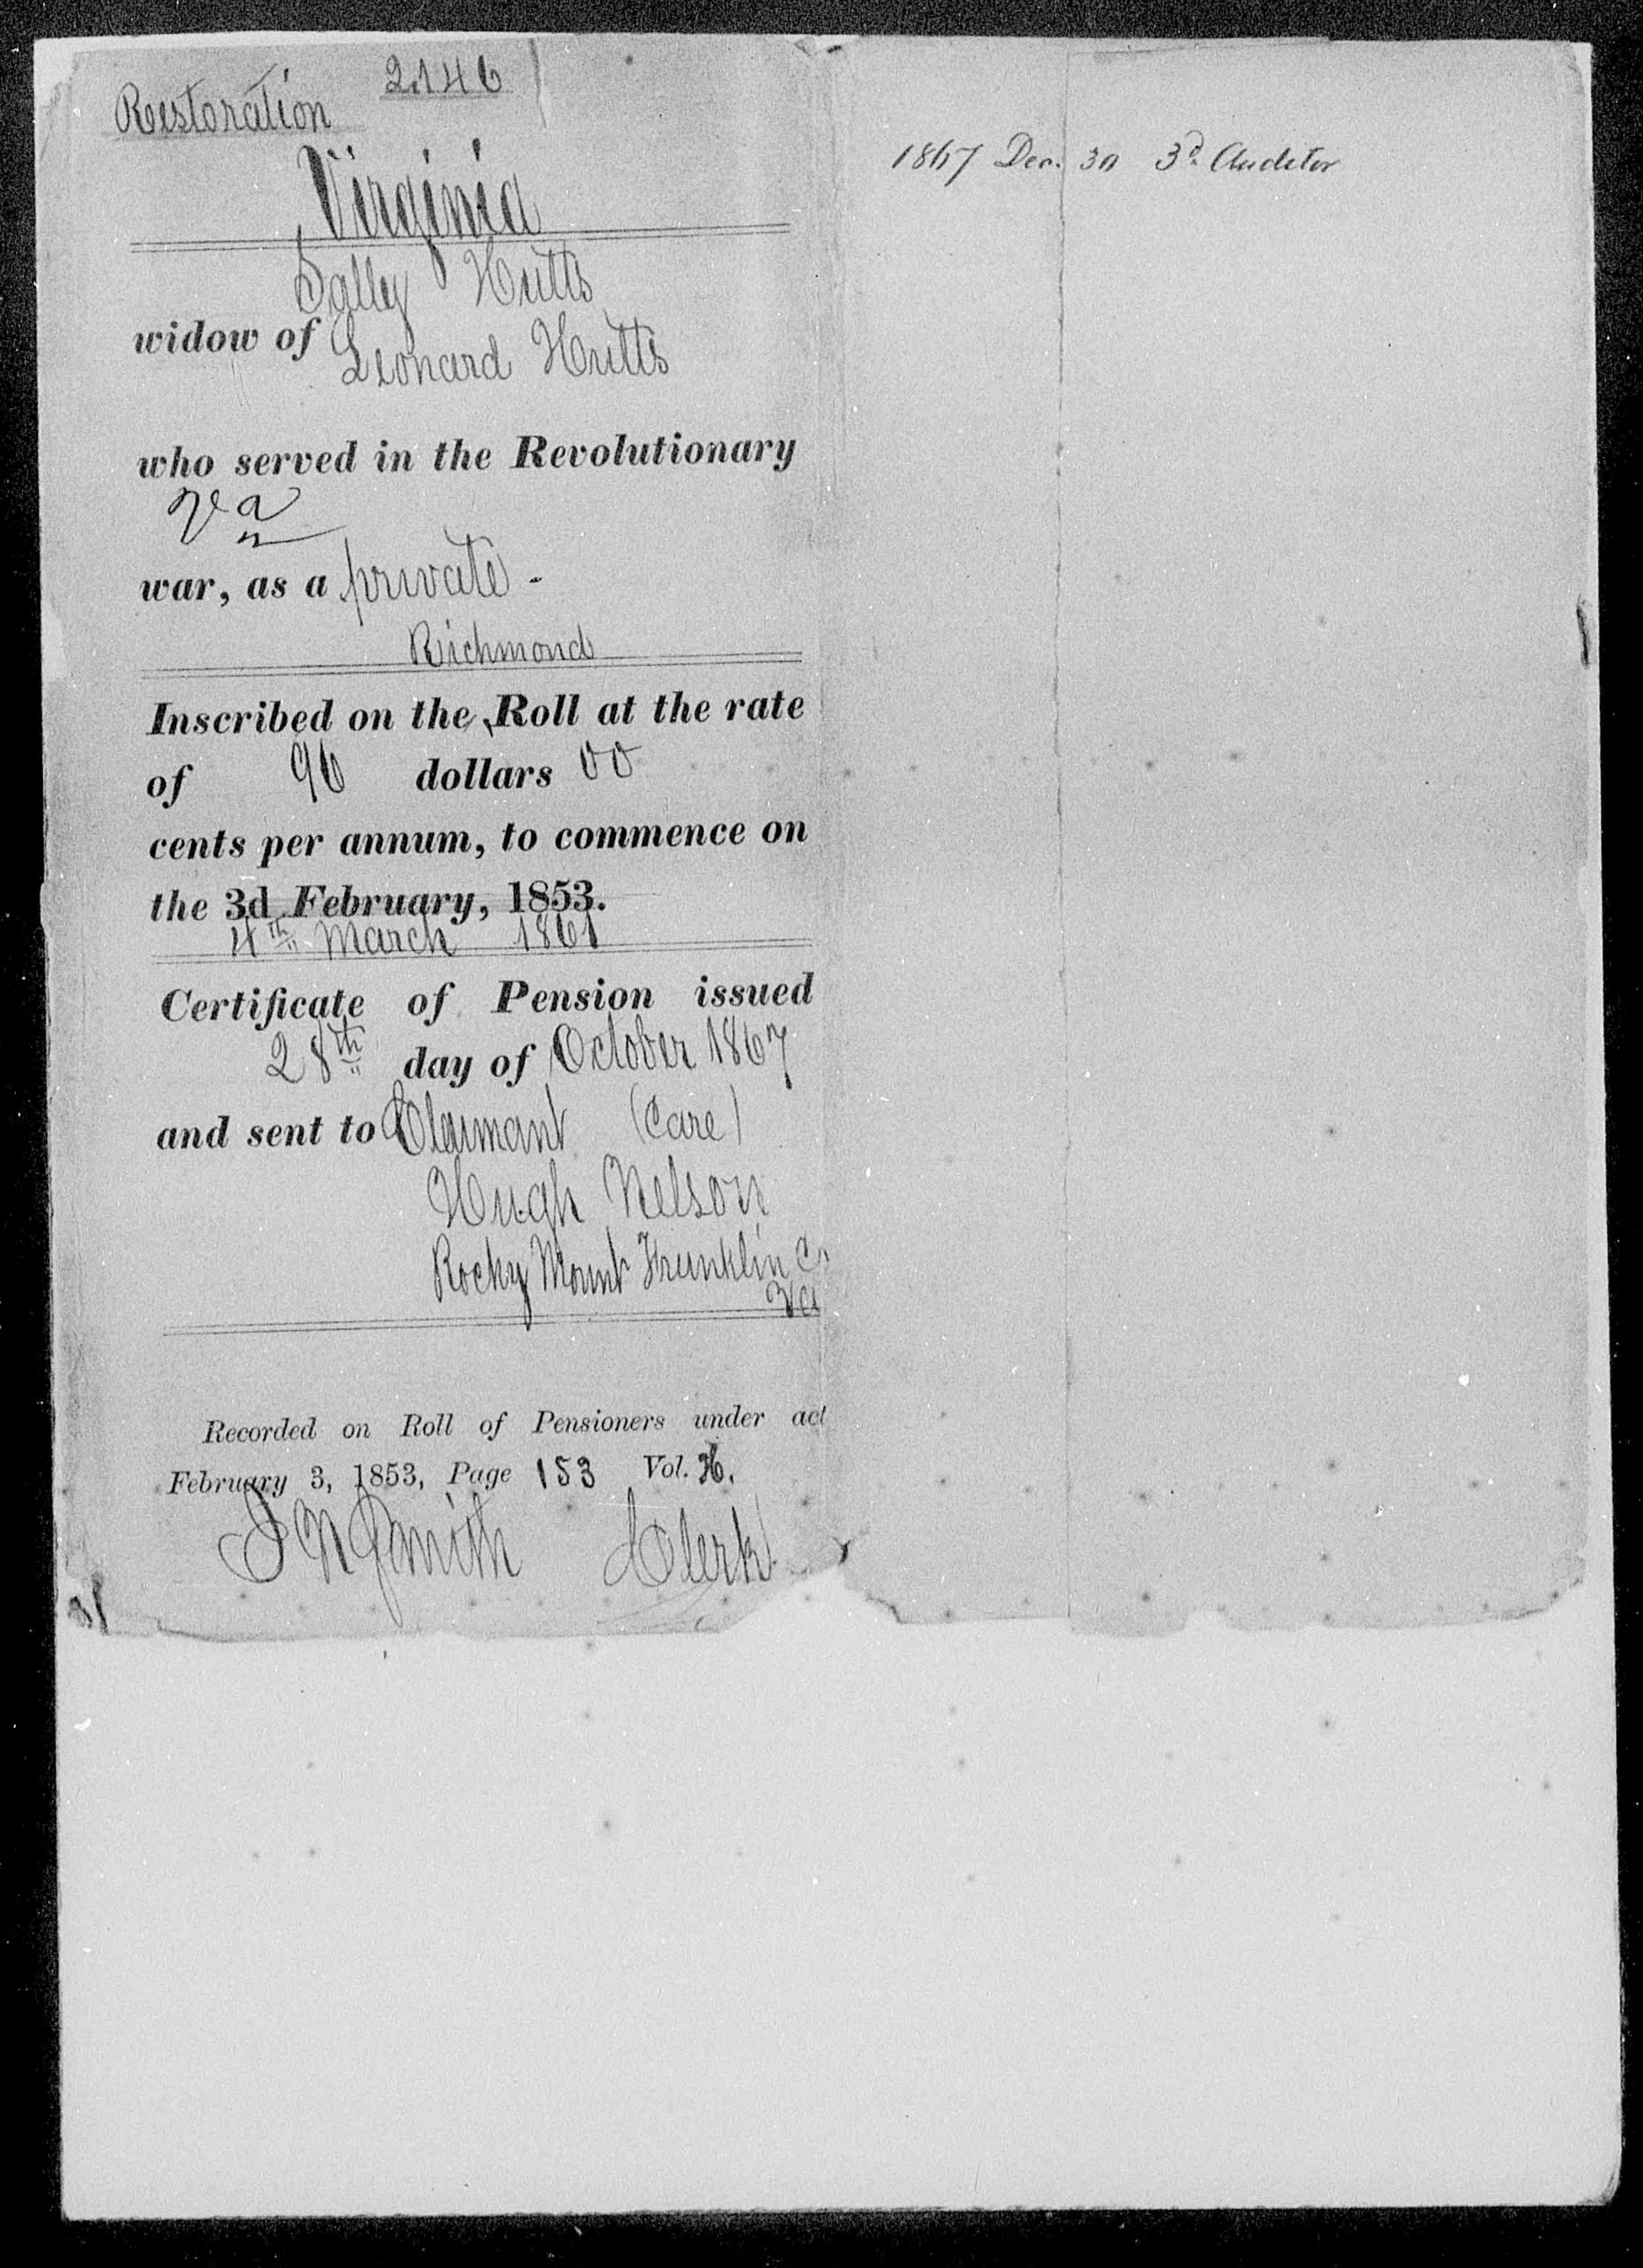[typed form, with handwritten responses]

2.146
Restoration

Virginia                            1867 Dec. 30 3d Auditor
Sally Hutts
widow of Leonard Hutts
who served in the Revolutionary 
Va war, as a private - Richmond

Inscribed on the Roll at the rate 
of 96 Dollars – 00
cents per annum, to commence on 
the 3d February, 1853.
4th March 1861
Certificate of Pension issued 
28th day of October 1867
and sent to Claimant (care)
Hugh Nelson
Rocky Mount Franklin Co Va

Recorded on Roll of Pensioners under act
February 3, 1853, Page 153 Vol. H
J. N. Smith dClerk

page: 3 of 33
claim: widow's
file: W. 550, for Leonard Hutts, Virginia